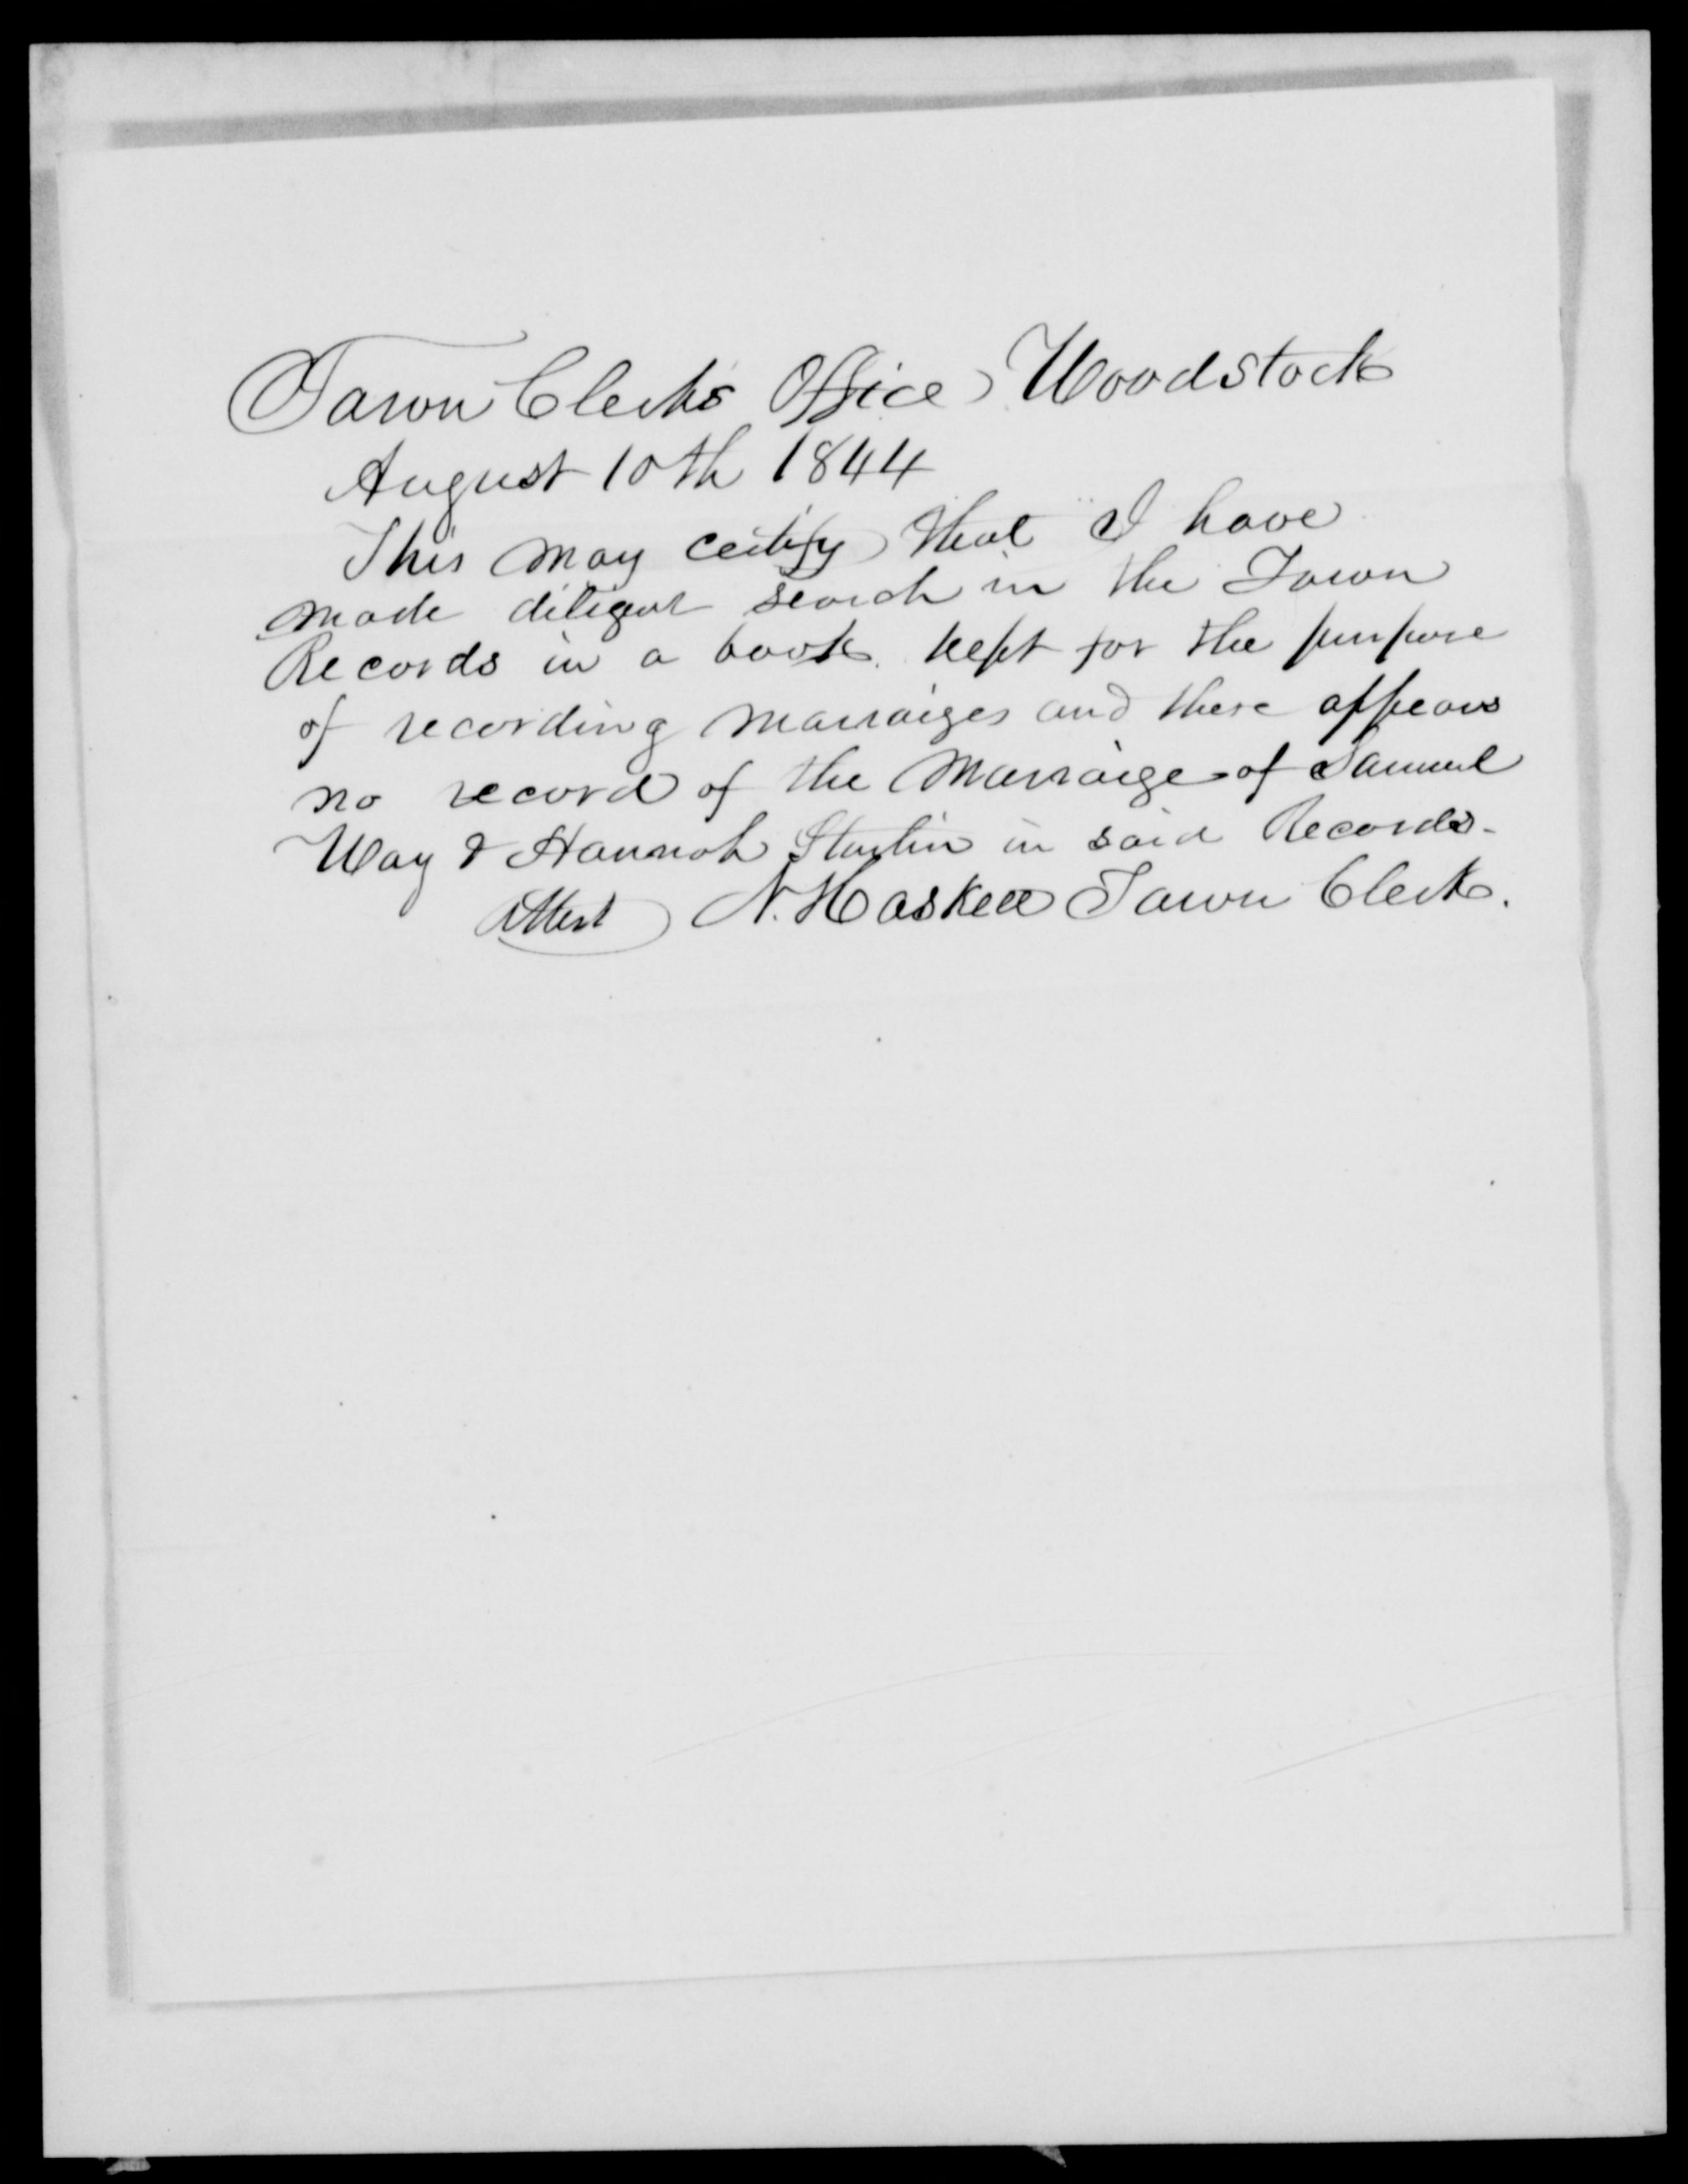Town Clerks Office Woodstock
August 10th 1844
This may certify that I have
made diligent search in the Town
Records in a book kept for the purpose
of recording marraiges and there appears
no record of the marraige of Samuel Way
& Hannah Starlin in said Records
Attest N. Haskell Town Clerk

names: Hannah Starlin, Samuel Way, N Haskell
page: 30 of 78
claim: widow's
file: W. 25856, Samuel Way, N.H.